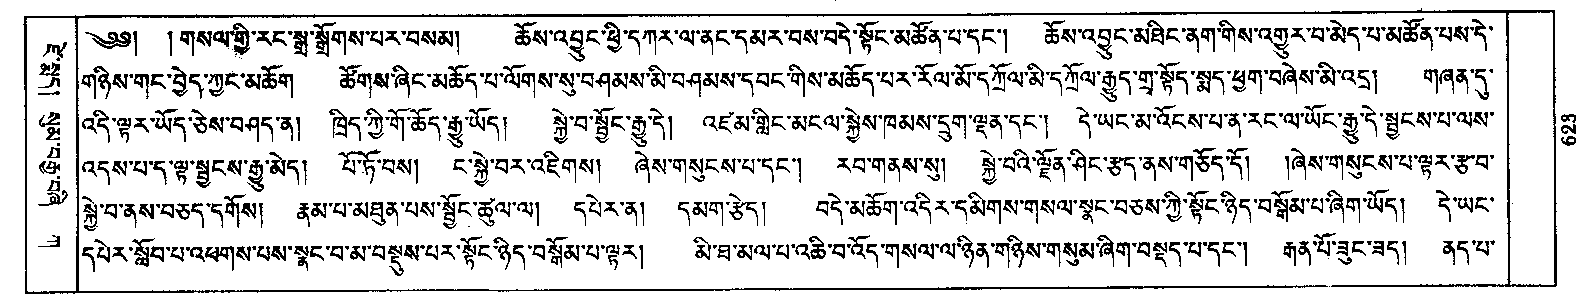༄༅། །གསལ་གྱི་རང་སྒྲ་སྒྲོགས་པར་བསམ། ཆོས་འབྱུང་ཕྱི་དཀར་ལ་ནང་དམར་བས་བདེ་སྟོང་མཚོན་པ་དང་། ཆོས་འབྱུང་མཐིང་ནག་གིས་འགྱུར་བ་མེད་པ་མཚོན་པས་དེ་
གཉིས་གང་བྱེད་ཀྱང་མཆོག་ཚོགས་ཞིང་མཆོད་པ་ལོགས་སུ་བཤམས་མི་བཤམས་དབང་གིས་མཆོད་པར་རོལ་མོ་དཀྲོལ་མི་དཀྲོལ་རྒྱུད་གྲྭ་སྟོད་སྨད་ཕྱག་བཞེས་མི་འདྲ། གཞན་དུ་
འདི་ལྟར་ཡོད་ཅེས་བཤད་ན། ཁྲིད་ཀྱི་གོ་ཆོད་རྒྱུ་ཡོད། སྐྱེ་བ་སྦྱོང་རྒྱུ་དེ། འཛམ་གླིང་མངལ་སྐྱེས་ཁམས་དྲུག་ལྡན་དང་། དེ་ཡང་མ་འོངས་པ་ན་རང་ལ་ཡོང་རྒྱུ་དེ་སྦྱངས་པ་ལས་
འདས་པ་ད་ལྟ་སྦྱངས་རྒྱུ་མེད། པོ་ཏོ་བས། ང་སྐྱེ་བར་འཇིགས། ཞེས་གསུངས་པ་དང་། རབ་གནས་སུ། སྐྱེ་བའི་ལྗོན་ཤིང་རྩད་ནས་གཅོད་དོ། །ཞེས་གསུངས་པ་ལྟར་རྩ་བ་
སྐྱེ་བ་ནས་བཅད་དགོས། རྣམ་པ་མཐུན་པས་སྦྱོང་ཚུལ་ལ། དཔེར་ན། དམག་རྩེད། བདེ་མཆོག་འདིར་དམིགས་གསལ་སྣང་བཅས་ཀྱི་སྟོང་ཉིད་བསྒོམ་པ་ཞིག་ཡོད། དེ་ཡང་
དཔེར་སློབ་པ་འཕགས་པས་སྣང་བ་མ་བསྡུས་པར་སྟོང་ཉིད་བསྒོམ་པ་ལྟར། མི་ཐ་མལ་པ་འཆི་བ་འོད་གསལ་ལ་ཉིན་གཉིས་གསུམ་ཞིག་བསྡད་པ་དང་། རྒན་པོ་ཟུང་ཟད། ནད་པ་